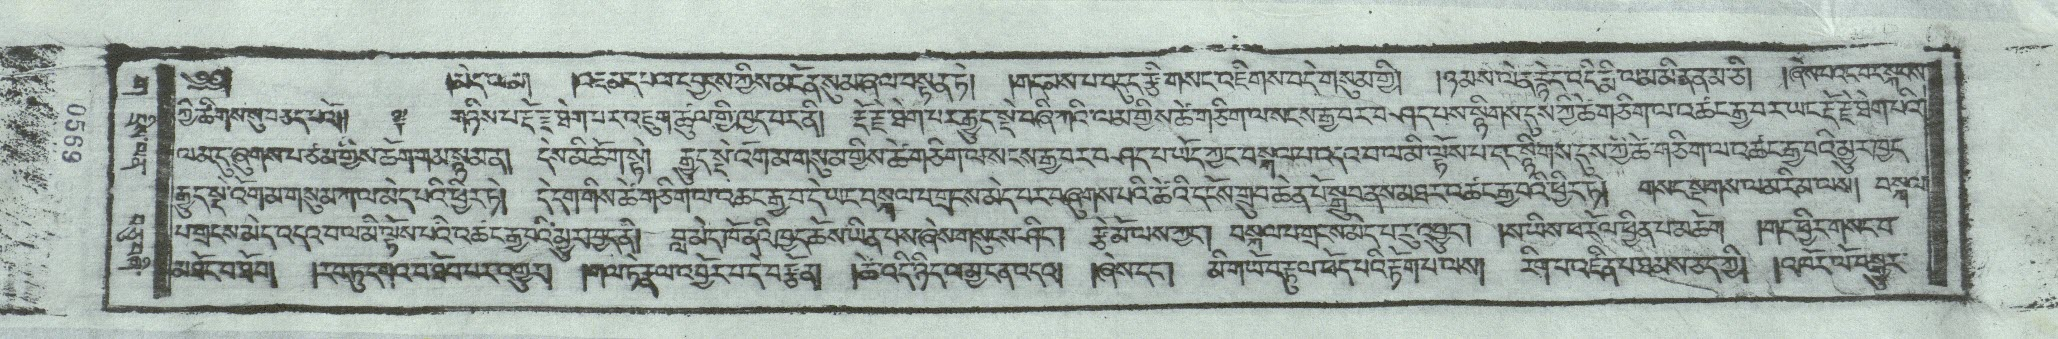༄༅། །མེད་ལམ། །འཇམ་དཔལ་དབྱངས་ཀྱིས་མངོན་སུམ་ཞལ་བསྟན་ཏེ། །གདམས་པ་བདུད་རྩི་གསང་འཇིགས་བདེ་གསུམ་གྱི། །ཉམས་ལེན་རྙེད་འདི་རྨི་ལམ་མིན་ནམ་ཅི། །ཞེས་པའང་པར་སྐབས་
ཀྱི་ཚིགས་སུ་བཅད་པའོ།། ༈ གཉིས་པ་རྡོ་རྗེ་ཐེག་པར་འཇུག་ཚུལ་གྱི་ཁྱད་པར་ནི། རྡོ་རྗེ་ཐེག་པར་རྒྱུད་སྡེ་བཞི་ཀའི་ལམ་གྱིས་ཚེ་གཅིག་ལ་སངས་རྒྱ་བར་བཤད་པས་སྙིགས་དུས་ཀྱི་ཚེ་གཅིག་ལ་འཚང་རྒྱ་བར་ཡང་རྡོ་རྗེ་ཐེག་པའི་
ལམ་དུ་ཞུགས་པ་ཙམ་གྱིས་ཆོག་གམ་སྙམ་ན། དེས་མི་ཆོག་སྟེ། རྒྱུད་སྡེ་འོག་མ་གསུམ་གྱིས་ཚེ་གཅིག་ལ་སངས་རྒྱ་བར་བཤད་པ་ཡོད་ཀྱང་བསྐལ་པ་འདའ་བ་ལ་མི་ལྟོས་པ་དང་སྙིགས་དུས་ཀྱི་ཚེ་གཅིག་ལ་འཚང་རྒྱ་བའི་མྱུར་ཁྱད་
རྒྱུད་སྡེ་འོག་མ་གསུམ་ཀ་ལ་མེད་པའི་ཕྱིར་ཏེ། དེ་དག་གིས་ཚེ་གཅིག་ལ་འཆང་རྒྱ་བདེ་ཡང་བསྐལ་པ་གྲངས་མེད་པར་བཞུགས་པའི་ཚོའི་དངོས་གྲུབ་ཆེན་པོ་སྒྲུབ་ནས་མཐར་འཚད་རྒྱ་བའི་ཕྱིར་ཏེ། གསང་སྔགས་ལམ་རིམ་ལས། བསྐལ་
པ་གྲངས་མེད་འདའ་བ་ལ་མི་ལྟོས་པའི་འཚང་རྒྱ་བའི་མྱུར་ཁྱད་ནི། བླ་མེད་ཁོ་ནའི་ཁྱད་ཆོས་ཡིན་པས་ཞེས་གསུངས་ཤིང་། རྩེ་མོ་ལས་ཀྱང་། བསྐལ་པ་གྲངས་མེད་པ་རུ་འབྱུང་། །ས་ཡིས་ཕ་རོལ་ཕྱིན་པ་མཆོག །གང་ཕྱིར་གསང་བ་
མཐོང་བ་ཐོབ། །རབ་ཏུ་དགའ་བ་ཐོབ་པར་འགྱུར། །གལ་ཏེ་རྣལ་འབྱོར་བ་དེ་བརྩོན། །ཚེ་འདི་ཉིད་ལ་མྱ་ངན་འདའ། །ཞེས་དང་། མི་གཡོ་བརྟུལ་ཕོད་བའི་རྟོག་པ་ལས། རིག་པ་འཛིན་པ་ཐམས་ཅད་ཀྱི། །འཁོར་ལོ་བསྒྱུར་